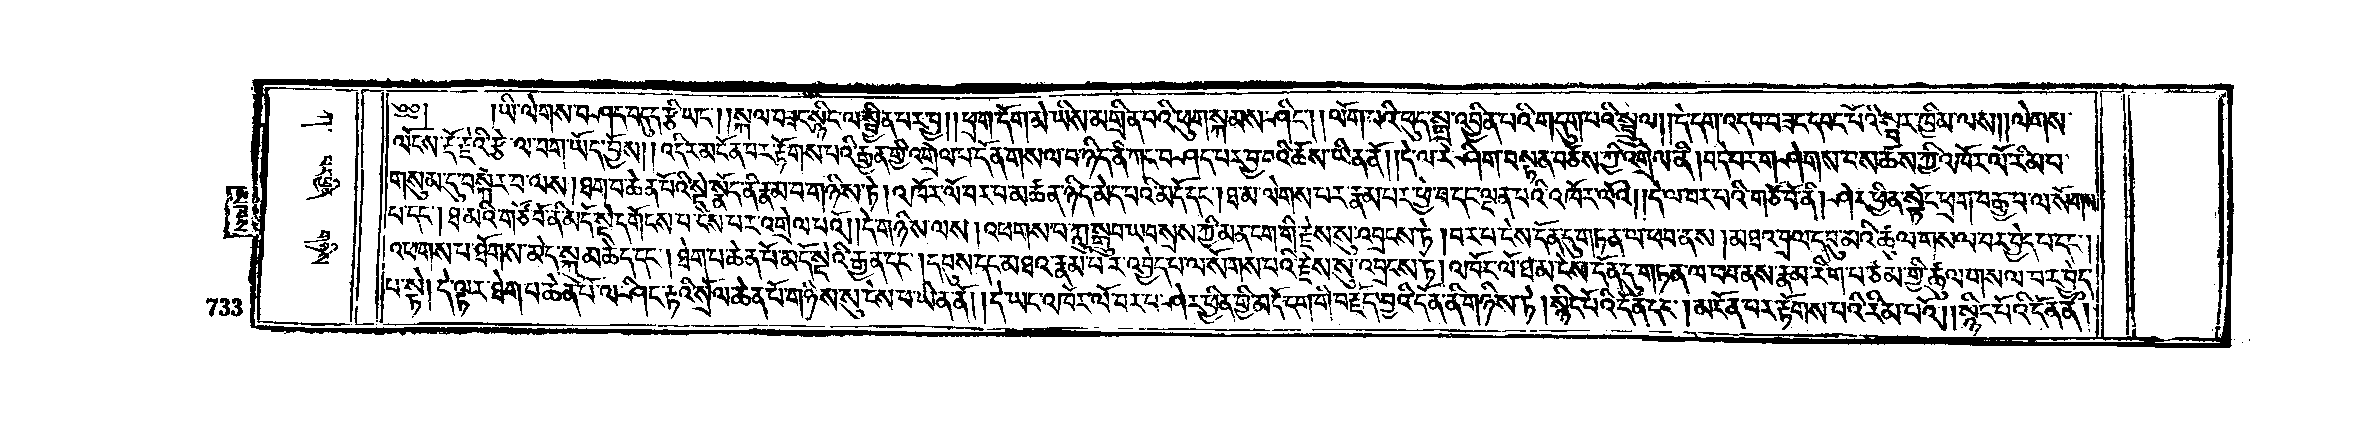༄༅། །ཡི་ལེགས་བཤད་བདུད་རྩི་ཡང་། །སྐལ་བཟང་སྙིང་ལ་སྦྱིན་པར་བྱ། །ཕྲག་དོག་མེ་ཡིས་མགྲིན་པའི་ཕུག་སྐམས་ཤིང་། །ལོག་པའི་ཕུད་སྒྲ་འབྱིན་པའི་གདུག་པའི་སྤྲུལ། །དེ་དག་འདབ་བཟང་དབང་པོའི་སྦར་ཁྱིམ་ལས། །ལེགས་
ལོངས་རྡོ་རྗེའི་རྩེ་ལ་བག་ཡོད་བྱོས། །འདིར་མངོན་པར་རྟོགས་པའི་རྒྱན་གྱི་འགྲེལ་པ་དོན་གསལ་བ་ཉིད་ནི་ཀང་བཤད་པར་བྱ་བའི་ཆོས་ཡིན་ནོ། །དེ་ལ་རེ་ཤིག་བསྟན་བཅོས་ཀྱི་འགྲེལ་ནི། བདེ་བར་གཤེགས་པས་ཆོས་ཀྱི་འཁོར་ལོ་རིམ་པ་
གསུམ་དུ་བསྐོར་བ་ལས། ཐག་པ་ཆེན་པོའི་སྡེ་སྣོད་ནི་རྣམ་པ་གཉིས་ཏེ། འཁོར་ལོ་བར་པ་མཚན་ཉིད་མེད་པའི་མདོ་དང་། ཐ་མ་ལེགས་པར་རྣམས་པར་ཕྱེ་བ་དང་ལྡན་པའི་འཁོར་ལོའི། །དེ་ལ་བར་པའི་གཙོ་བོ་ནི། ཤེར་ཕྱིན་སྟོང་ཕྲག་བརྒྱ་པ་ལ་སོགས་
པ་དང་། ཐ་མའི་གཙོ་བོ་ནི་མདོ་སྡེ་དགོངས་པ་ངེས་པར་འགྲེལ་པའོ། །དེ་གཉིས་ལས། འཕགས་པ་ཀླུབ་སྒྲུབ་ཡབ་སྲས་ཀྱི་མན་ངག་གི་རྗེས་སུ་འབྲངས་ཏེ། བར་པ་ངེས་དོན་དུ་གཏན་ལ་ཕབ་ནས། མཐའ་བྲལ་དབུ་མའི་ཚུལ་གསལ་བར་བྱེད་པ་དང་
འཕགས་པ་ཐོགས་མེད་སྐུ་མཆེད་དང་། ཐེག་པ་ཆེན་པོ་མདོ་སྡེའི་རྒྱན་དང་། དབུས་དང་མཐའ་རྣམ་པར་འབྱེད་པ་ལ་སྒོས་པའི་རྗེས་སུ་འབྲངས་ཏེ། འཁོར་ལོ་ཐ་མ་ངེས་དོན་དུ་གཏན་ལ་བབ་ནས་རྣམ་རིག་པ་ཙམ་གྱི་ཚུལ་གསལ་བར་བྱེད་
པ་སྟེ། དེ་ལྟར་ཐེག་པ་ཞེན་པོ་ལ་ཤིང་རྟའི་སྲོལ་ཆེན་པོ་གཉིས་སུ་ངེས་པ་ཡིན་ནོ། །དེ་ཡང་འཁོར་ལོ་བར་པ་ཤེར་ཕྱིན་གྱི་མདོ་ངག་གི་བརྗོད་བྱའི་དོན་ནི་གཉིས་ཏེ། སྙིང་པོའི་དོན་དང་། མངོན་པར་རྟོགས་པའི་རིམ་པའོ། །སྙིང་པོའི་དོན་ནི།